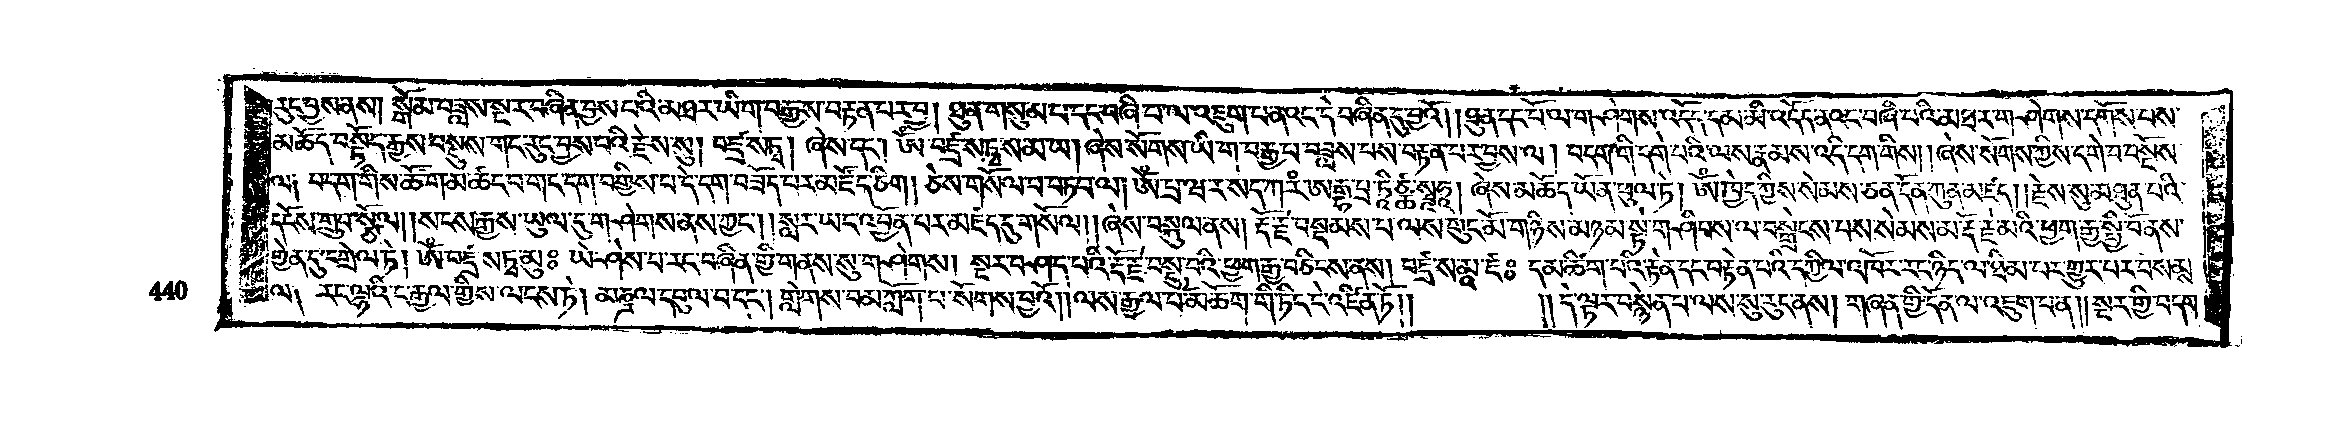རུང་བྱས་ནས། སྒོམ་བཟླས་སྔར་བཞིན་བྱས་པའི་མཐར་ཡིག་བརྒྱས་བརྟན་པར་བྱ། ཐུན་གསུམ་པ་དང་བཞི་པ་ལ་འཇུག་པ་ནའང་དེ་བཞིན་དུ་བྱའོ། །ཐུན་དང་པོ་ལ་གཤེགས་འདོད་དམ་མི་འདོད་ནའང་བཞི་པའི་མཐར་གཤེགས་དགོས་པས་
མཆོད་བསྟོད་རྒྱས་བསྡུས་གང་རུང་བྱས་པའི་རྗེས་སུ། བཛྲ་སཏྭ། ཞེས་དང་། ཨོཾ་བཛྲ་སཏྭ་ས་མ་ཡ། ཞེས་སོགས་ཡི་གེ་བརྒྱ་པ་བཟླས་པས་བརྟན་པར་བྱས་ལ། བདག་གི་དགེ་བའི་ལས་རྣམས་འདི་དག་གིས། །ཞེས་སོགས་ཀྱིས་དགེ་བ་བསྔོས་
ལ། བདག་གིས་ཆོ་ག་མ་ཚང་བ་གང་དག་བགྱིས་པ་དེ་དག་བཟོད་པར་མཛོད་ཅིག །ཅེས་གསོལ་བ་བཏབ་ལ། ཨོཾ་པྲ་ཝ་ར་སད་ཀ་རཾ་ཨརྒྷ་པྲ་ཏཱི་ཙྪ་སྭཱཧཱ། ཞེས་མཆོད་ཡོན་ཕུལ་ཏེ། ཨོཾ་ཁྱེད་ཀྱིས་སེམས་ཅན་དོན་ཀུན་མཛད། །རྗེས་སུ་མཐུན་པའི་
དངོས་གྲུབ་སྩོལ། །སངས་རྒྱས་ཡུལ་དུ་གཤེགས་ནས་ཀྱང་། །སླར་ཡང་འབྱོན་པར་མཛད་དུ་གསོལ། །ཞེས་བསྐུལ་ནས། རྡོ་རྗེ༈བསྡམས་པ་ལས་གུང་མོ་གཉིས་མཉམ་སྟེ་གཤིབས་ལ་བསྒྲེངས་པས་སེམས་མ་རྡོ་རྗེ་མའི་ཕྱག་རྒྱ་སྤྱི་བོ་ནས་
གྱེན་དུ་དགྲེལ་ཏེ། ཨཅཾ་བཛྲ་སཏྭ་མུཿ ཡེ་ཤེས་པ་རང་བཞིན་གྱི་གནq་སུ་གཤེགq། སྔར་བཤད་པའི་རྡོ་རྗེ་བསྡུ་བའི་ཕྱག་རྒྱ་བིངས་ནས། བཛྲ་ས་མཱ་ཛཿ དམ་ཚིག་པའི༈རྟེན་དང་བཏེན་པའི་དཀྱིལ་འཁོར་རང་ཉིད་ལ་ཐིམ་པར་གྱུར་པར་བསམས་
ལ། རང་ལྷའི་ང་རྒྱལ་གྱིས་ལངས་ཏེ། མཎྜལ་དབུལ་བ་དང་། གླེགས་བམ་ཀློག་པ་སོགས་བྱའོ། །ལས་རྒྱལ་པོ་མཆོག་གི་ཏིང་ངེ་འཛིན་ཏོ།། །།དེ་ལྟར་བསྙེན་པ་ལས་སུ་རུང་ནས། གཞན་གྱི་དོན་ལ་འཇུག་པ་ན། །སྔར་གྱི་བདག་